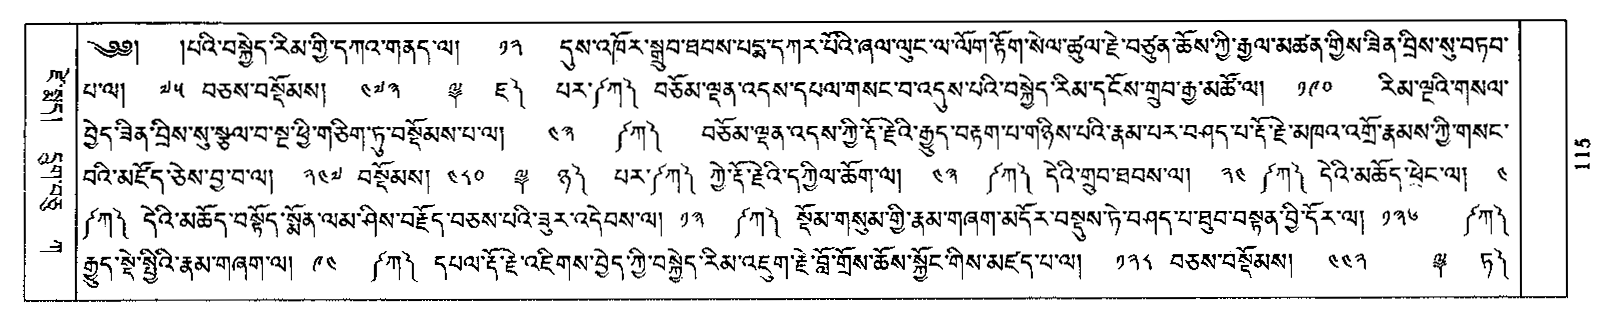༄༅། །པའི་བསྐྱེད་རིམ་གྱི་དཀའ་གནད་ལ། ༡༢་དུས་འཁོར་སྒྲུབ་ཐབས་པདམ་དཀར་པོའི་ཞལ་ལུང་ལ་ལོག་རྟོག་སེལ་ཚུལ་རྗེ་བཙུན་ཆོས་ཀྱི་རྒྱལ་མཚན་གྱིས་ཟིན་བྲིས་སུ་བཏབ་
པ་ལ། ༧༥་བཅས་བསྡོམས། ༤༧༣་༈ ཇ༼་པར་?ཀ༽ བཅོམ་ལྡན་འདས་དཔལ་གསང་བ་འདུས་པའི་བསྐྱེད་རིམ་དངོས་གྲུབ་རྒྱ་མཚོ་ལ། ༡༩༠་རིམ་ལྔའི་གསལ་
བྱེད་ཟིན་བྲིས་སུ་སྩལ་བ་སྔ་ཕྱི་གཅིག་ཏུ་བསྡོམས་པ་ལ། ༤༣་?ཀ་བཅོམ་ལྡན་འདས་ཀྱི་རྡོ་རྗེའི་རྒྱུད་བརྟག་པ་གཉིས་པའི་རྣམ་པར་བཤད་པ་རྡོ་རྗེ་མཁའ་འགྲོ་རྣམས་ཀྱི་གསང་
བའི་མཛོད་ཅེས་བྱ་བ་ལ། ༢༤༧་བསྡོམས། ༤༨༠་༈ ཉ༼་པར་?ཀ༽ ཀྱེ་རྡོ་རྗེའི་དཀྱིལ་ཆོག་ལ། ༤༣་?ཀ༼་དེའི་གྲུབ་ཐབས་ལ། ༢༤་?ཀ༽ དེའི་མཆོད་ཕྲེང་ལ། ༤
?ཀ༼་དེའི་མཆོད་བསྟོད་སྨོན་ལམ་ཤིས་བརྗོད་བཅས་པའི་ཟུར་འདེབས་ལ། ༡༣་?ཀ༽ སྡོམ་གསུམ་གྱི་རྣམ་གཞག་མདོར་བསྡུས་ཏེ་བཤད་པ་ཐུབ་བསྟན་བྱི་དོར་ལ། ༡༣༦་?ཀ
རྒྱུད་སྡེ་སྦྱིའི་རྣམ་གཞག་ལ། ༩༤་?ཀ༼་དཔལ་རྡོ་རྗེ་འཇིགས་བྱེད་ཀྱི་བསྐྱེད་རིམ་འཇུག་རྗེ་བློ་གྲོས་ཆོས་སྐྱོང་གིས་མཛད་པ་ལ། ༡༣༨་བཅས་བསྡོམས། ༤༤༢་༈ ཏ༽